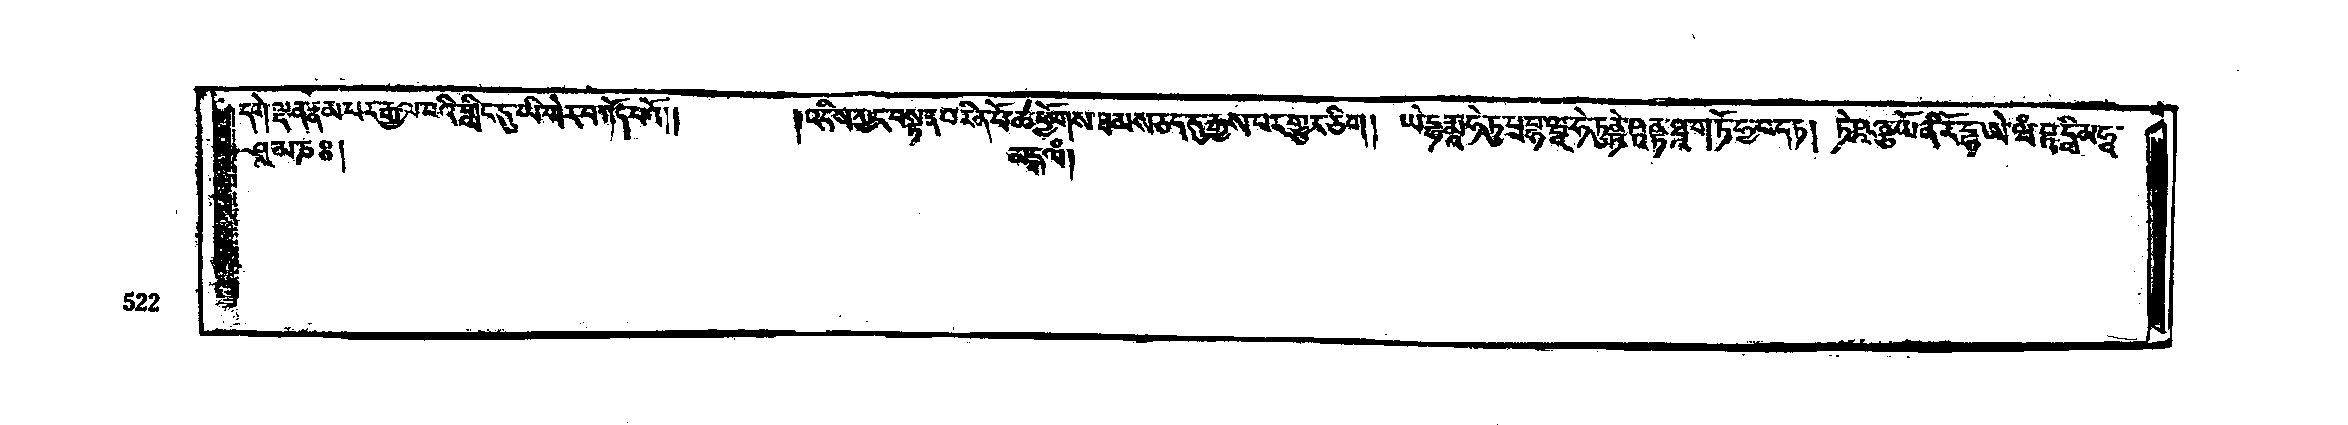དགེ་ལྡན་རྣམ་པར་རྒྱལ་བའི་གླིང་དུ་ཡི་གེར་བཀོད་པའོ།། །འདིས་ཀྱང་བསྟན་པ་རིན་པོ་ཆེ་ཕྱོགས་ཐམས་ཅད་དུ་རྒྱས་པར་གྱུར་ཅིག །ཡེ་དྷརྨཱ་ཧེ་ཏུ་པྲ་བྷ་ཝཱ་ཧེ་ཏུ་ནྟེ་ཥཱ་ནྟ་ཐཱ་ག་ཏོ་ཧྱ་བ་ད་ཏ། ཏེ་ཥཱཉྩ་ཡོ་ནི་རོ་དྷ་ཨེ་ཝཾ་བཱ་དཱི་མཧཱ་
ཤ་?་མ་ཎཿ། མངྒལཾ།